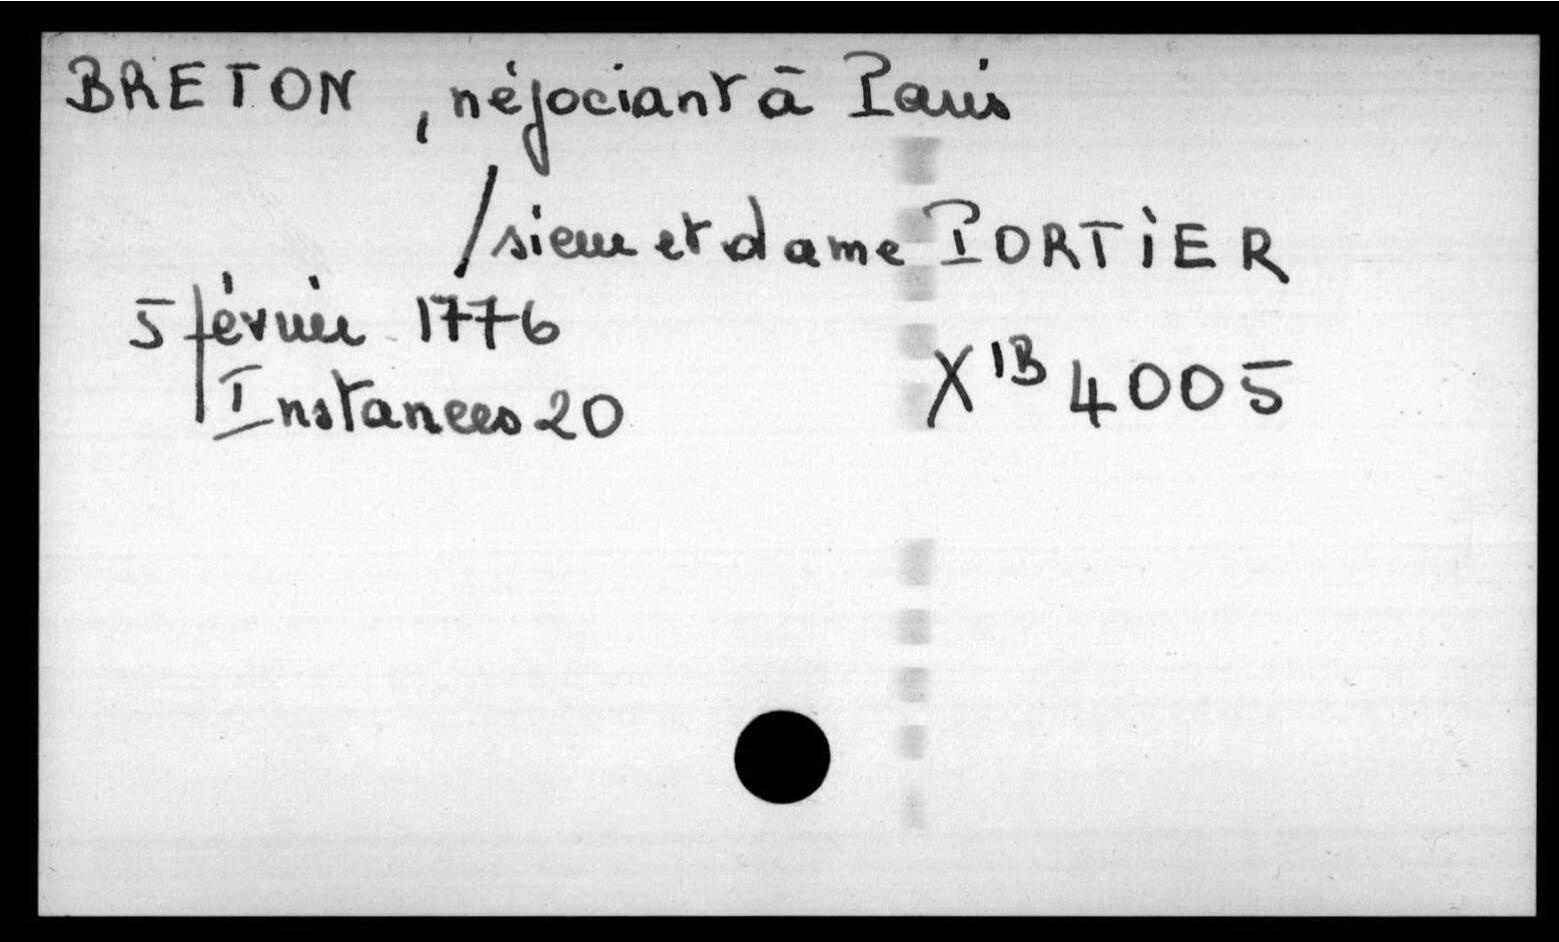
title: BRETON, négociant à Paris
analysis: Contre sieur et dame PORTIER
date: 5 février 1776
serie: X1b
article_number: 4005
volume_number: IInstances, 20
